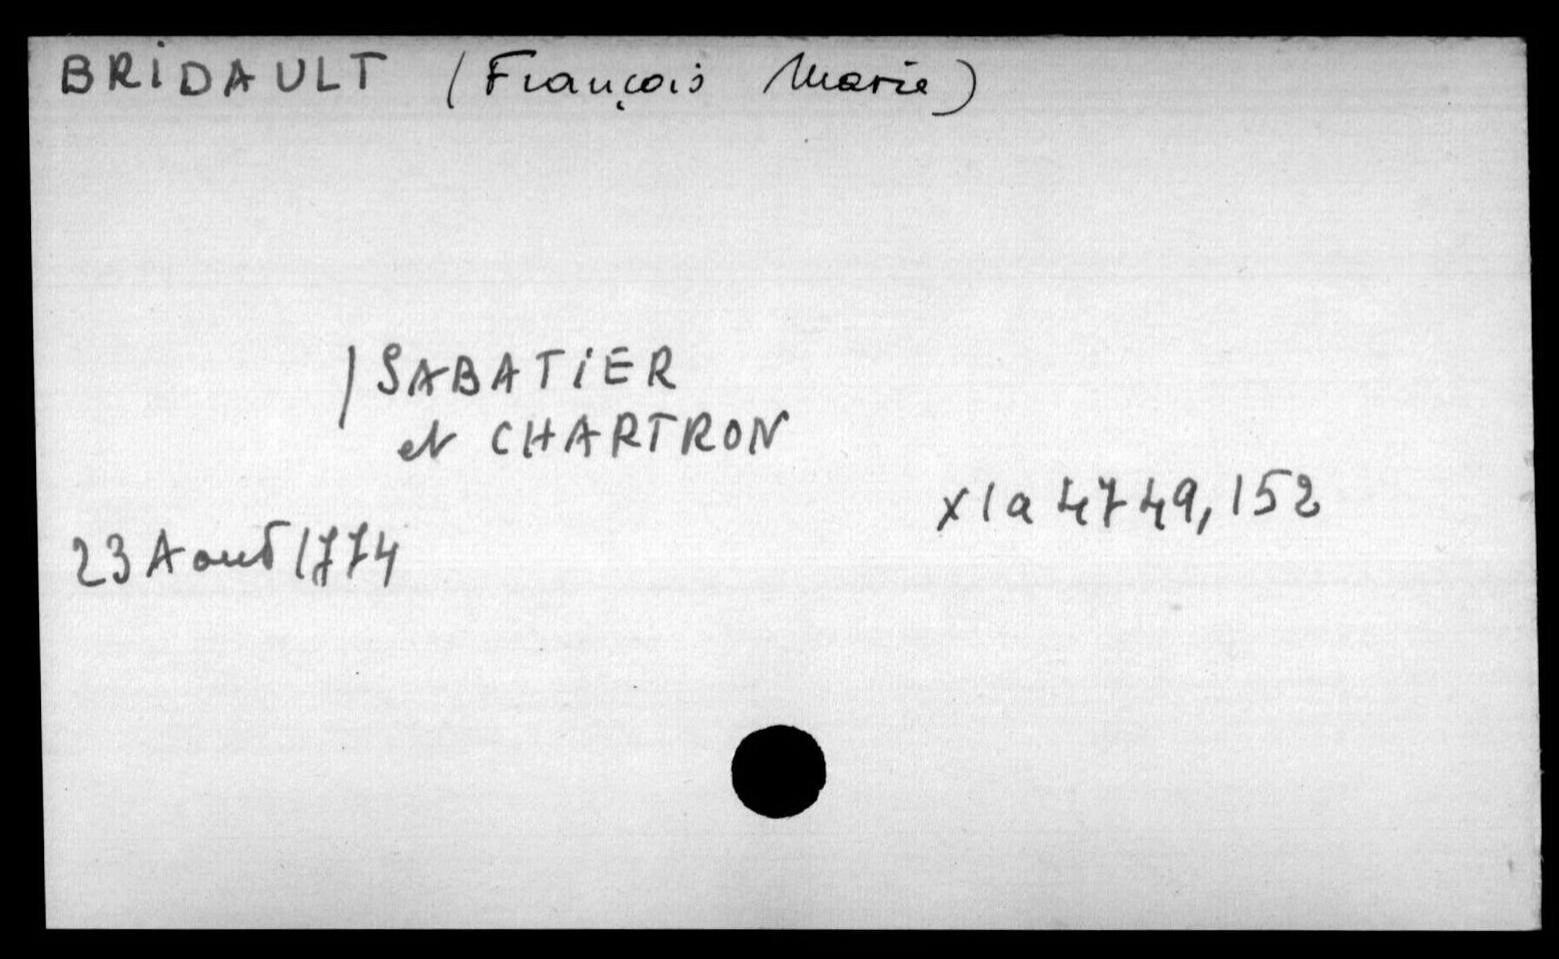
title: BRIDAULT (François Marie)
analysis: Contre SABATIER et CHARTRON
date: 23 août 1774
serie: X1a
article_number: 4749
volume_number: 152
